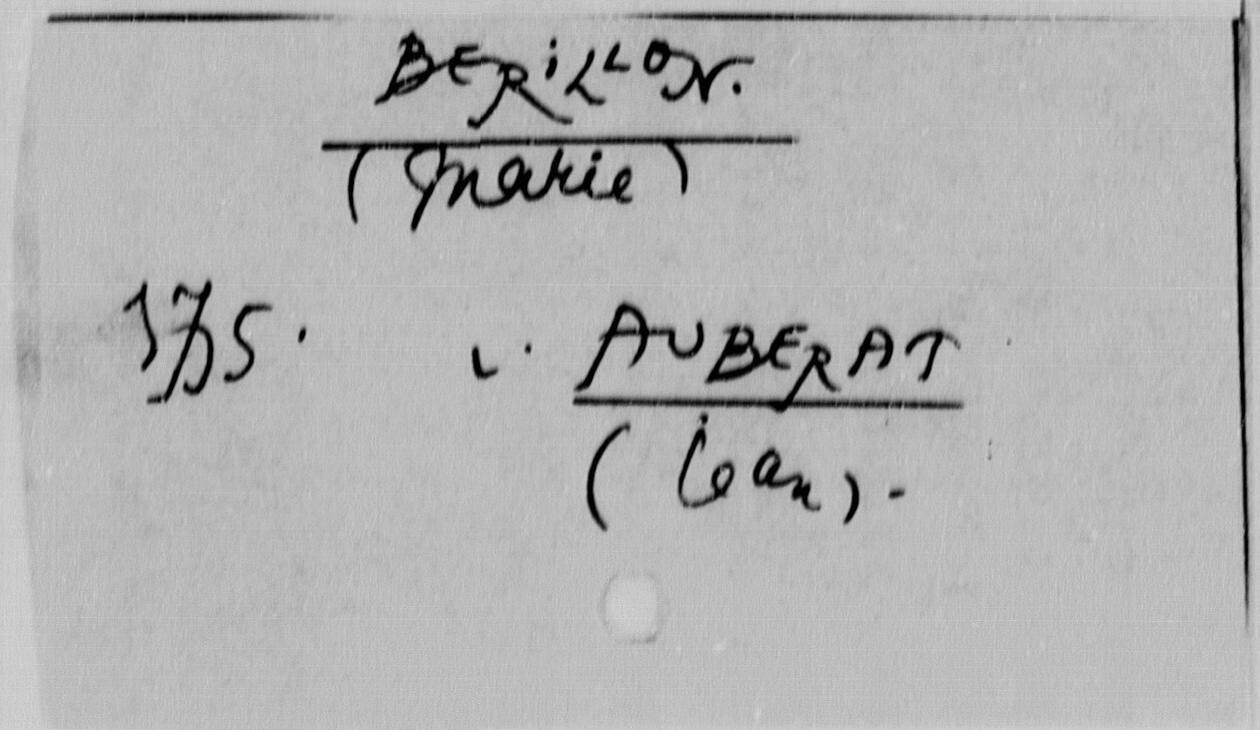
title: BERILLON (Marie)
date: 1715
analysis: Voir : AUBERAT (Jean)
